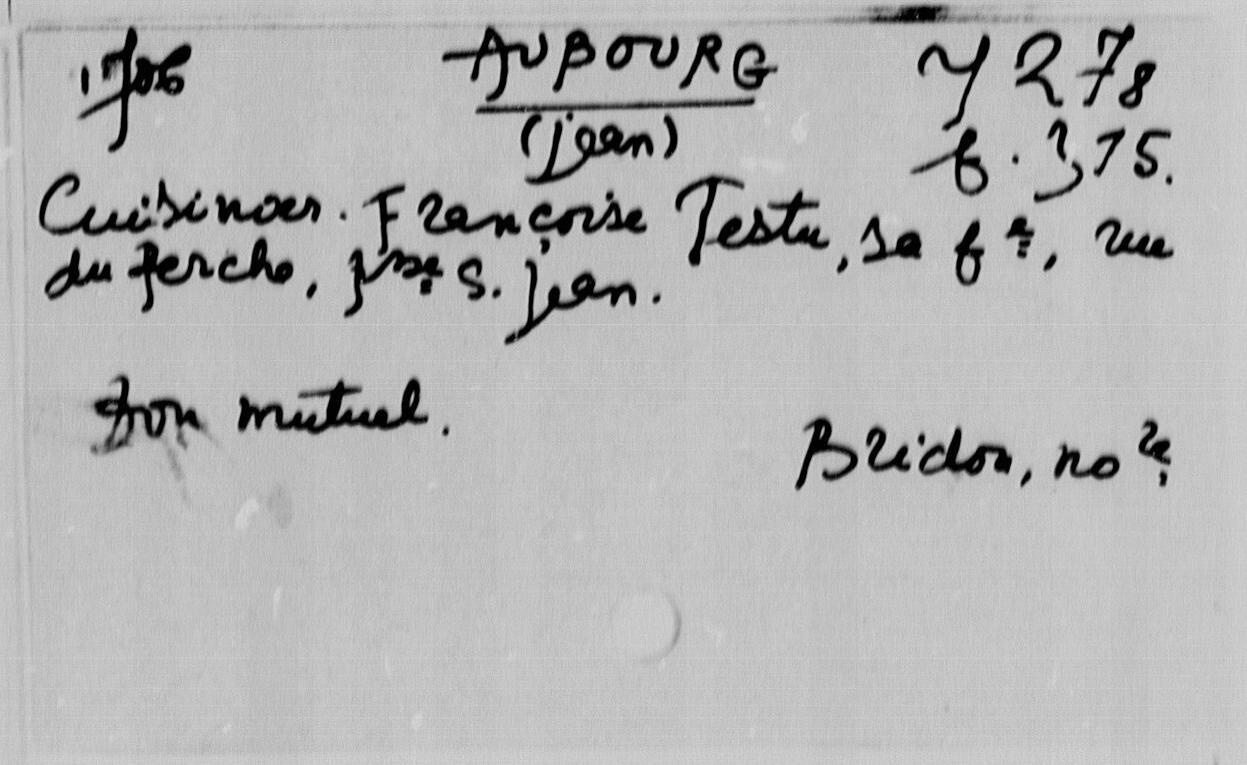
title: AUBOURG (Jean)
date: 1706
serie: Y
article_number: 278
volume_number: folio 315
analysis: Cuisinier. Françoise Testu, sa femme, rue du Perche, paroisse Saint Jean. Don mutuel. Bridon, notaire
